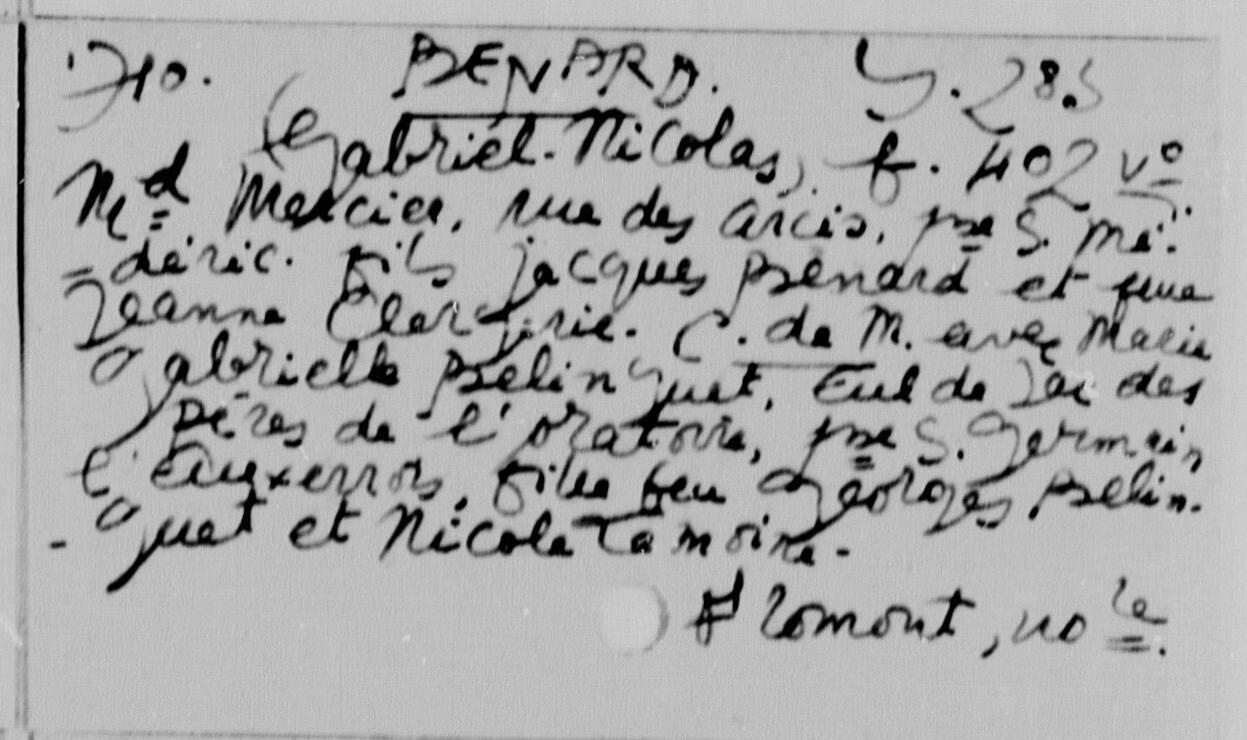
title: BENARD (Gabriel-Nicolas)
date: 1710
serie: Y
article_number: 283
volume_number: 402v
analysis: Marchand mercier, rue des Arcis, paroisse Saint-Médéric. Fils Jacques Benard et feue Jeanne Clergerie. Contrat de mariage avec Marie Gabrielle Belinguet. Cul de sac de l'Oratoire, paroisse Saint-Germain-l'Auxerrois, fille feu Georges Belinguet et Nicole Lamoine. Flomont, notaire.
